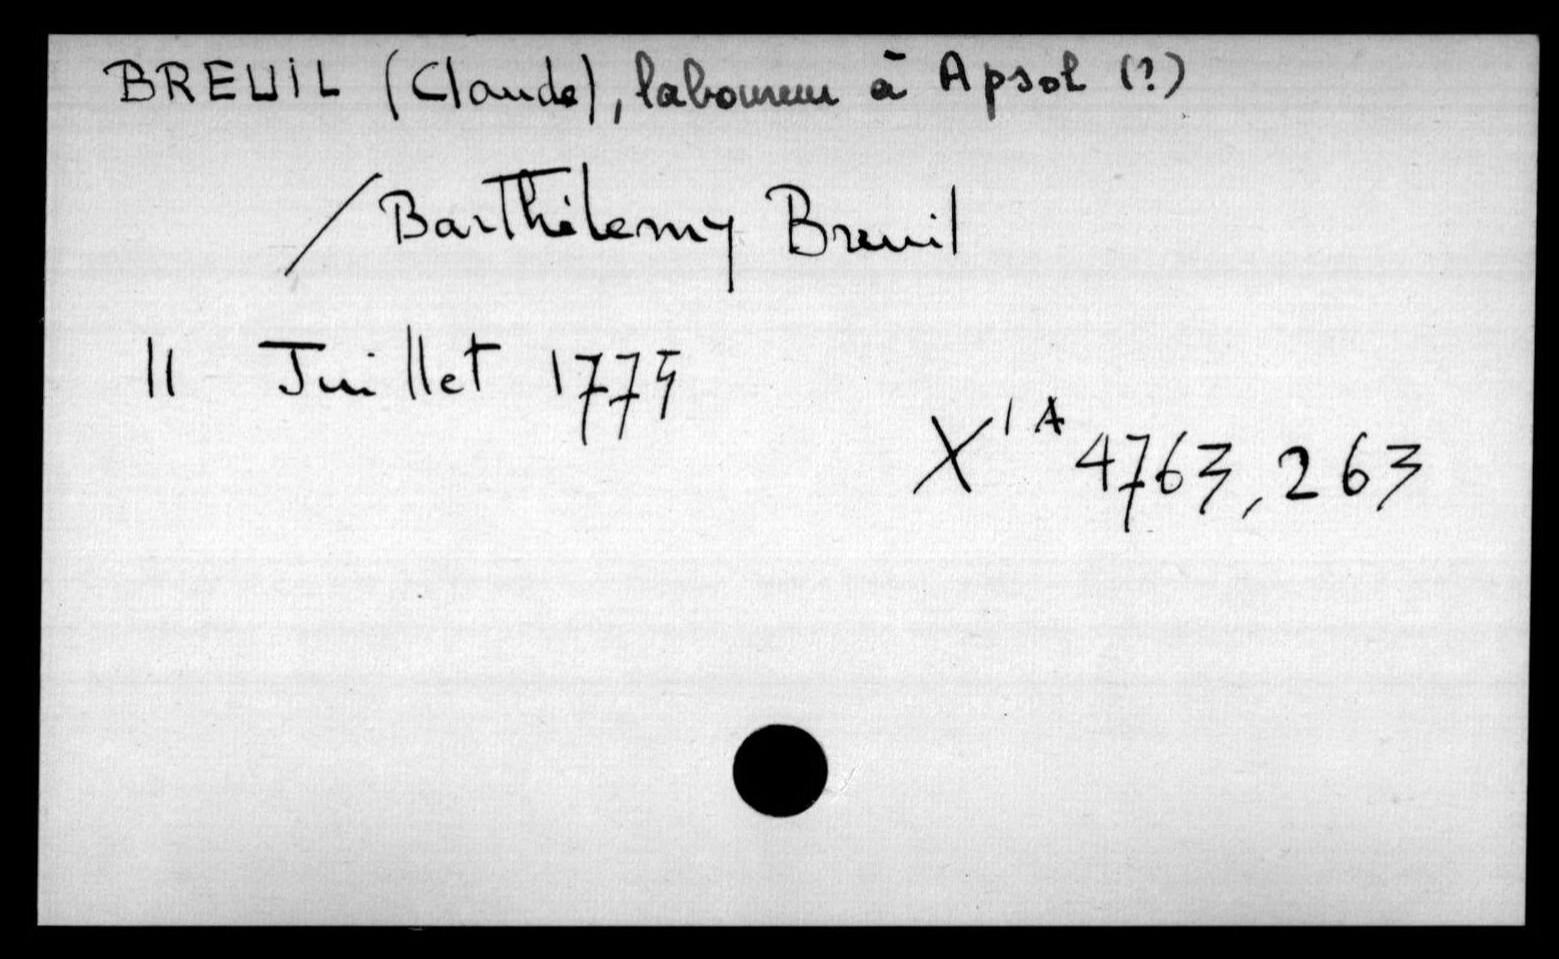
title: BREUIL (Claude), laboureur à Apsol (?)
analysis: Contre Barthélémy Breuil
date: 11 juillet 1775
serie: X1A
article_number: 4763
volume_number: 263
